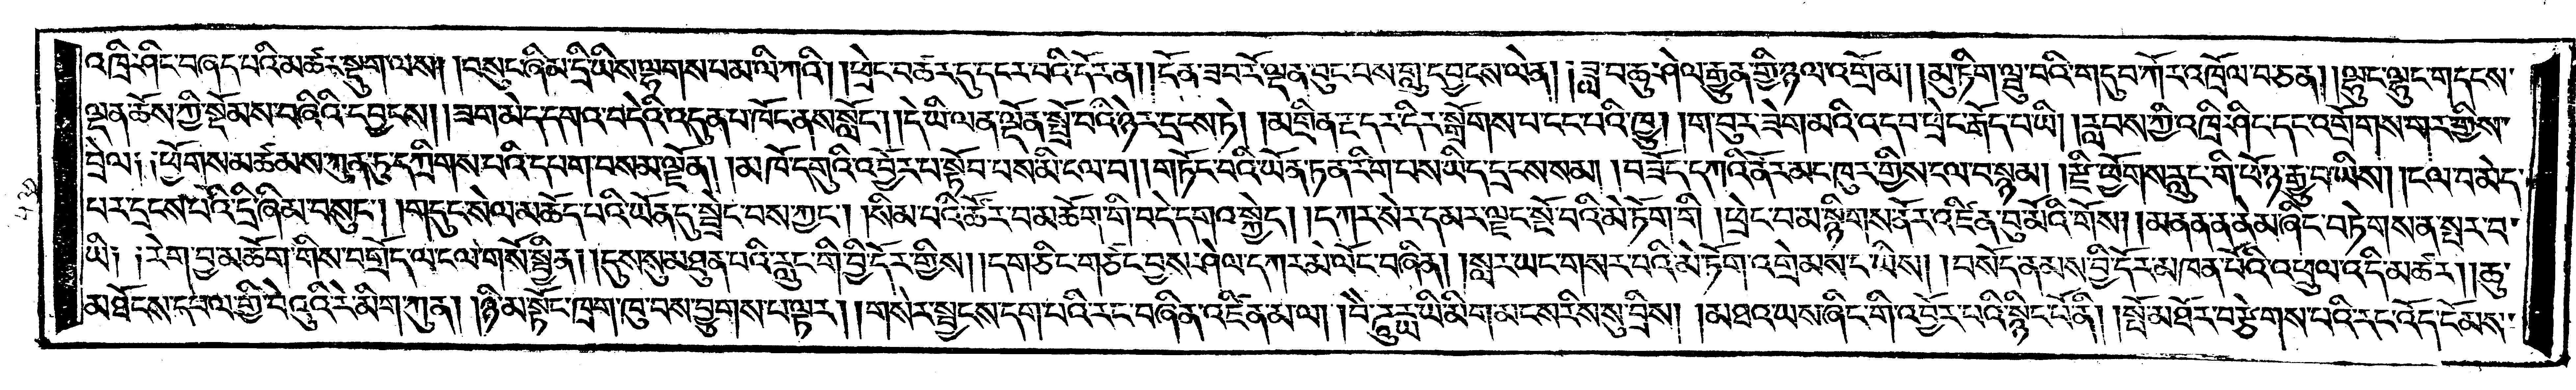འཁྲི་ཤིང་བཞབ་པའི་མཚར་སྡུག་ལས། །བསུང་ཞིམ་དྲི་ཡིས་ལྷགས་པ་མ་ལི་ཀའི། །ཕྲེང་བ་ཚར་དུ་དངར་བའི་དོར་ན། །དོན་ཟབ་རོ་ལྡན་བུང་བས་གླུ་དབྱངས་ལེན། །ཟླ་བ་ཆུ་ཤེལ་རྒྱུན་གྱི་ཉལ་འགྲོ་མ། །མུ་ཏིག་ལྡུ་བའི་གདུབ་ཀོར་འཁྲོལ་བ་ཅན། །ལྷུང་ལྷུང་གདངས་
ལྡན་ཆོས་ཀྱི་སྔོམས་བཞིའི་དབྱངས། །ཟག་མེད་དགའ་བདེའི་འདུན་པ་ཁོང་ནས་སློང་། །དེ་ཡི་ལན་ལྡོན་སྤྲོ་བའི་ཉེར་དྲངས་ཏེ། །མགྲིན་རྔ་དར་དིར་སྒྲོགས་པ་ངང་པའི་ཁྱུ། །ག་བུར་ཟེག་མའི་འདབ་ཕྲེང་རྒོད་པ་ཡི། །རླབས་ཀྱི་འཁྲི་ཤིང་དང་འགྲོགས་གར་གྱིས་
བྲེལ༑ ༑ཕྱོགས་མཚུམས་ཀུན་ཏུ་དཀྲིགས་པའི་དཔག་བསམ་ལྗོན། །མཁོ་དགུའི་འབྱོར་བ་སྟོབ་བས་མི་ངལ་བ། །གཏོང་བའི་ཡོན་ཏན་རིག་པས་ཡིད་དྲངས་སམ། །བཟོད་དཀའི་ནོར་མང་ཁུར་གྱིས་ངལ་བ་སྙམ། །རྫི་ཕྱོགས་རླུང་གི་བོ་ཉ་རྒྱུ་བ་ཡིས། །ངལ་བ་མེད་
པར་དྲངས་པའི་དྲི་ཞིམ་བསུང་། །གདུང་སེལ་མཆོད་པའི་ཡོན་དུ་སྒྲེང་བས་ཀྱང་། །སིམ་པའི་ཚོར་བ་མཆོག་གི་བདེ་དཀའ་སྐྱེད། །དཀར་སེར་དམར་ལྗང་སྔོ་བའི་མེ་ཏོག་གི། །ཕྲེང་བ་མ་སྙིངས་ནོར་འཛིན་བུ་མོའི་གོས། །མནན་ན་ནམ་ཞིང་བཏེགས་ནས་པར་བ་
ཡི༑ ༑རེག་བྱ་མཚོག་གིས་བགྲོད་ལ་ངལ་གསོ་སྦྱིན། །དུས་སུ་མཐུན་པའི་རླུང་གི་བྱི་དོར་གྱིས། །དག་ཅིང་གཙང་བྱས་ཤེལ་དཀར་མེ་ལོང་བཞིན། །སླར་ཡང་གསར་བའི་མེ་ཏོག་འགྲེམས་པ་ཡིས། །བསོད་ནམས་ཀྱི་དོར་མཁན་པོའི་འཕྲུལ་འདི་མཚར། །ཆུ་
མཐོངས་དཔལ་གྱི་བེའུའི་རེ་མིག་ཀུན། །ཉི་མ་སྟོང་ཁྲག་ཁུ་བས་བྱུགས་པ་ལྟར། །གསེར་སྦྱངས་དག་པའི་རང་བཞིན་འཛིན་མ་ལ། །བཻ་ཌཱུརྱ་ཡི་མིག་མངས་རིས་སུ་བྲིས། །མཐའ་ཡས་ཞིང་གི་འབྱོར་བའི་སྙིང་པོ་ནི། །སྤོ་མཐོར་བརྩེགས་པའི་རང་འོད་ངོམས།